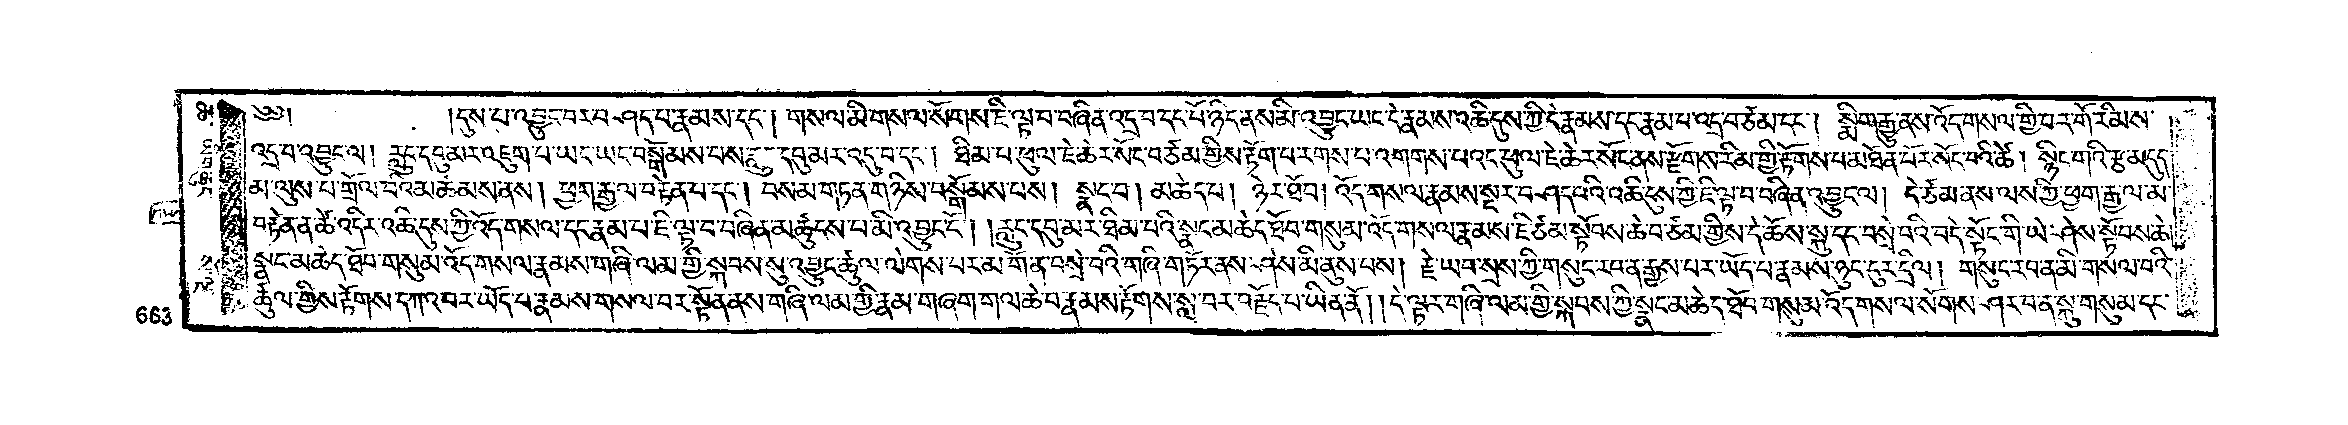༄༅། །དུས་སུ་འབྱུང་བར་བཤད་པ་རྣམས་དང་། གསལ་མི་གསལ་སོགས་ཇི་ལྟ་བ་བཞིན་འདྲ་བ་དང་པོ་ཉིད་ནས་མི་འབྱུང་ཡང་དེ་རྣམས་འཆི་དུས་ཀྱི་དེ་རྣམས་དང་རྣམ་པ་འདྲ་བ་ཙམ་དང་། སྨིག་རྒྱུ་ནས་འོད་གསལ་གྱི་བར་གོ་རིམས་
འདྲ་བ་འབྱུང་ལ། རླུང་དབུ་མར་འཇུག་པ་ཡང་ཡང་བསྒོམས་པས་རླུང་དབུ་མར་འདུ་བ་དང་། ཐིམ་པ་ཕུལ་ཇེ་ཆེར་སོང་བ་ཙམ་གྱིས་རྟོག་པ་རགས་པ་འགགས་པའང་ཕུལ་ཇེ་ཆེར་སོང་ནས་རྫོགས་རིམ་གྱི་རྟོགས་པ་མཐོན་པོར་སོང་བའི་ཚེ། སྙིང་གའི་རྩ་མདུད་
མ་ལུས་པ་གྲོལ་བའི་མཚམས་ནས། ཕྱག་རྒྱ་ལ་བརྟེན་པ་དང་། བསམ་གཏན་གཉིས་བསྒོམས་པས། སྣང་བ། མཆེད་པ། ཉེར་ཐོབ། འོད་གསལ་རྣམས་སྔར་བཤད་པའི་འཆི་དུས་ཀྱི་ཇི་ལྟ་བ་བཞིན་འབྱུང་ལ། དེ་ཙམ་ནས་ལས་ཀྱི་ཕྱག་རྒྱ་ལ་མ་
བརྟེན་ན་ཚེ་འདིར་འཆི་དུས་ཀྱི་འོད་གསལ་དང་རྣམ་པ་ཇི་ལྟ་བ་བཞིན་མཚུངས་པ་མི་འབྱུང་ངོ། །རླུང་དབུ་མར་ཐིམ་པའི་སྣང་མཆེད་ཐོབ་གསུམ་འོད་གསལ་རྣམས་ཇི་ཙམ་སྟོབས་ཆེ་བ་ཙམ་གྱིས་དེ་ཆོས་སྐུ་དང་བསྲེ་བའི་བདེ་སྟོང་གི་ཡེ་ཤེས་སྟོབས་ཆེ།
སྣང་མཆེད་ཐོབ་གསུམ་འོད་གསལ་རྣམས་གཞི་ལམ་གྱི་སྐབས་སུ་འབྱུང་ཚུལ་ལེགས་པར་མ་གོ་ན་བསྲེ་བའི་གཞི་གཏོར་ནས་ཤེས་མི་ནུས་པས། རྗེ་ཡབ་སྲས་ཀྱི་གསུང་རབ་ན་རྒྱས་པར་ཡོད་པ་རྣམས་ཉུང་ངུར་དྲིལ། གསུང་རབ་ན་མི་གསལ་བའི་
ཚུལ་གྱིས་རྟོགས་དཀའ་བར་ཡོད་པ་རྣམས་གསལ་བར་སྟོན་ནས་གཞི་ལམ་གྱི་རྣམ་གཞག་གལ་ཆེ་བ་རྣམས་རྟོགས་སླ་བར་བརྗོད་པ་ཡིན་ནོ། །དེ་ལྟར་བཞི་ལམ་གྱི་སྐབས་ཀྱི་སྣང་མཆེད་ཐོབ་གསུམ་འོད་གསལ་སོགས་ཤར་བ་ན་སྐུ་གསུམ་དང་